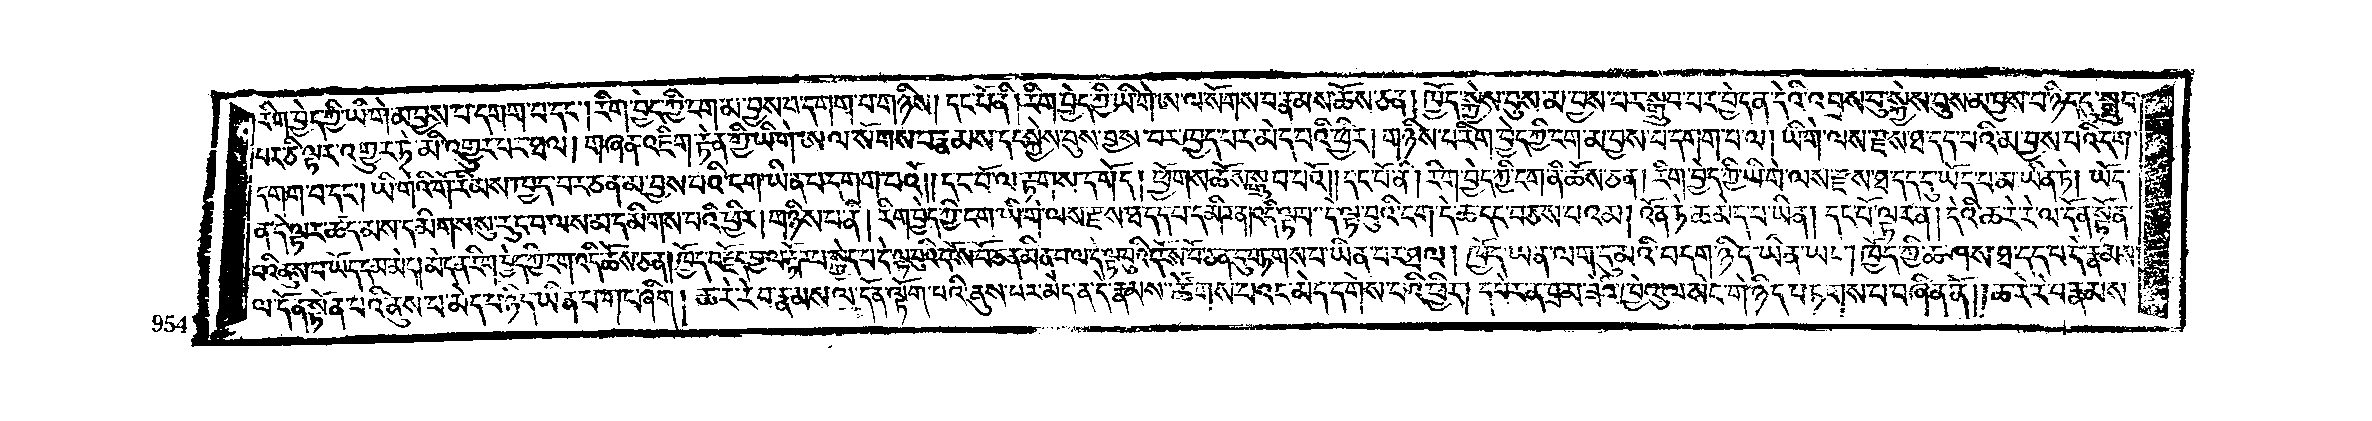རིག་བྱེད་ཀྱི་ཡི་གེ་མ་བྱས་པ་དགག་པ་དང་། རིག་བྱེད་ཀྱི་ངག་མ་བྱས་པ་དགག་པ་གཉིས། དང་པོ་ནི། རིག་བྱེད་ཀྱི་ཡི་གེ་ཨ་ལ་སོགས་པ་རྣམས་ཆོས་ཅན། ཁྱོད་སྐྱེས་བུས་མ་བྱས་པར་སྒྲུབ་པར་བྱེད་ན་དེའི་འབྲས་བུ་སྐྱེས་བུས་མ་བྱས་པ་ཉིད་དུ་སྒྲུབ་
པར་ཅི་ལྟར་འགྱུར་ཏེ་མི་འགྱུར་པར་ཐལ། གཞན་འཇིག་རྟེན་གྱི་ཡི་གེ་ཨ་ལ་སོགས་པ་རྣམས་དང་སྐྱེས་བུས་བྱས་པར་ཁྱད་པར་མེད་པའི་ཕྱིར། གཉིས་པ་རིག་བྱེད་ཀྱི་ངག་མ་བྱས་པ་དགག་པ་ལ། ཡི་གེ་ལས་རྫས་ཐ་དད་པའི་མ་བྱས་པའི་དག་
དགག་པ་དང་། ཡི་གེའི་གོ་རིམས་ཁྱད་པར་ཅན་མ་བྱས་པའི་ངག་ཡིན་པ་དགག་པའོ། །དང་པོ་ལ་རྟགས་དགོད། ཕྱོགས་ཆོས་སྒྲུབ་པའོ། །དང་པོ་ནི། རིག་བྱེད་ཀྱི་ངག་ནི་ཆོས་ཅན། རིག་བྱེད་ཀྱི་ཡི་གེ་ལས་རྫས་ཐ་དད་དུ་ཡོད་པ་མ་ཡིན་ཏེ། ཡོད་
ན་དེ་ལྟར་ཚད་མས་དམིགས་སུ་རུང་བ་ལས་མ་དམིགས་པའི་ཕྱིར། གཉིས་པ་ནི། རིག་བྱེད་ཀྱི་ངག་ཡི་གེ་ལས་རྫས་ཐ་དད་པ་དམིགས་ན། འདི་ལྟར། དེ་ལྟ་བུའི་ངག་དེ་ཆ་དང་བཅས་པའམ། འོན་ཏེ་ཆ་མེད་པ་ཡིན། དང་པོ་ལྟར་ན། དེའི་ཆ་རེ་རེ་ལ་དོན་སྟོན་
པའི་ནུས་པ་ཡོད་དམ་མེད། མེད་ན་རིག་བྱེད་ཀྱི་ངག་འདི་ཆོས་ཅན། ཁྱོད་བརྗོད་བྱ་ལ་རྟོགས་པ་སྐྱེད་པ་དེ་ལྟ་བུའི་དངོས་པོ་ཅན་མིན་པ་ལ་དེ་ལྟ་བུའི་དངོས་པོ་ཅན་དུ་བཏགས་པ་ཡིན་པར་ཐལ། ཁྱོད་ཡན་ལག་དུ་མའི་བདག་ཉིད་ཡིན་ཡང་། ཁྱོད་ཀྱི་ཆ་ཤས་ཐ་དད་པ་དེ་རྣམས་
ལ་དོན་སྟོན་པའི་ནུས་པ་མེད་པ་ཉིད་ཡིན་པ་གང་ཞིག། ཆ་རེ་རེ་བ་རྣམས་ལ་དོན་ལྟོག་པའི་ནུས་པར་མེད་ན་དེ་རྣམས་ཚོགས་པའང་མེད་དགོས་པའི་ཕྱིར། དཔེར་ན་བྲམ་ཟེའི་ཁྱེའུ་ལ་སེང་གེ་ཉིད་བཏགས་པ་བཞིན་ནོ། །ཆ་རེ་རེ་བ་རྣམས་